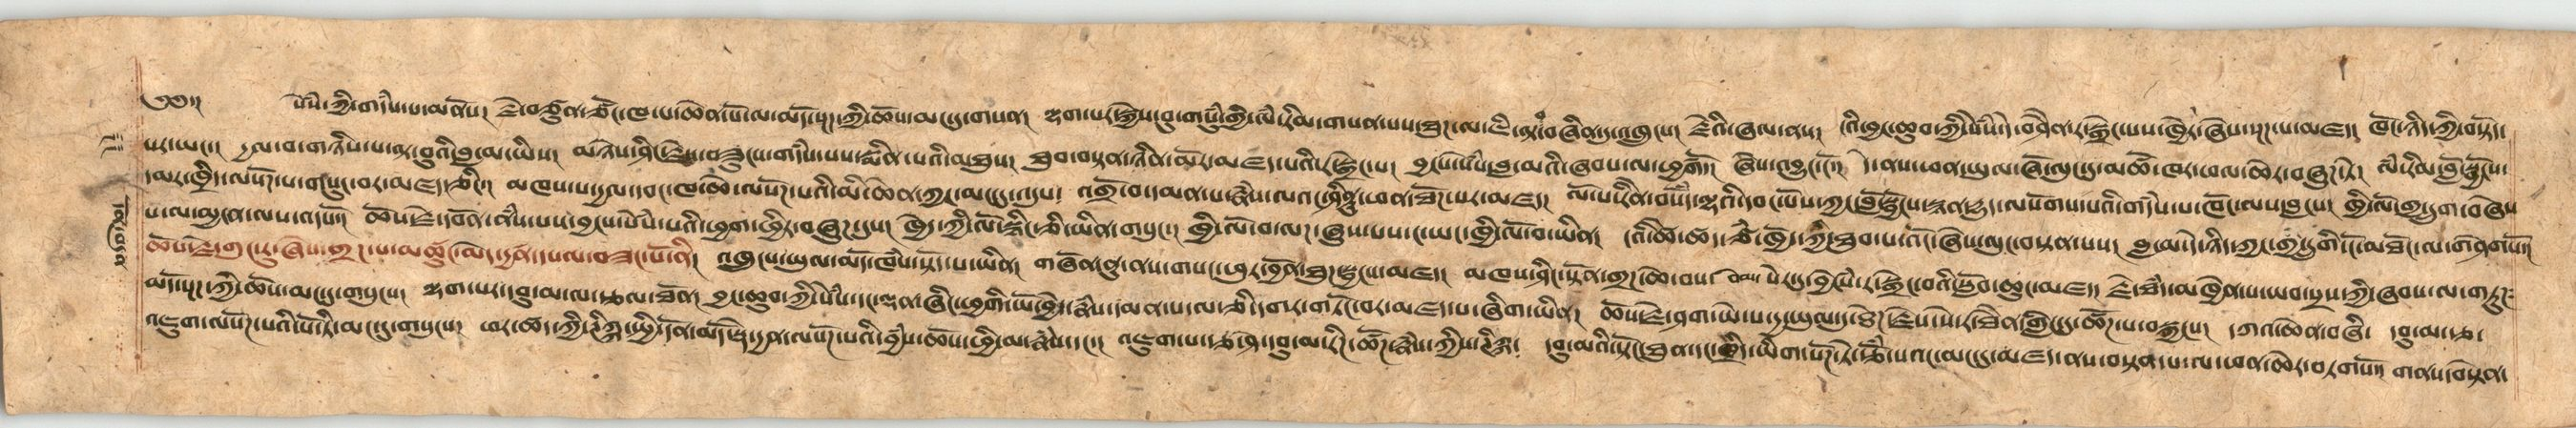སེཾས་ཀྱི་གདཾས་པ་མནོས། རྗེ་བཙུན་ཙོང་ཁ་པ་ཆེན་པོ་ལ་མདོ་སྔཌ་ཀྱི་ཆོས་མང་དུ་གསན། ལྷག་པར་སྐྱེས་བུ་གསུཾ་གྱི་ལཾ་རིམ་གསན་པས་ཐུཌ་ལ་ཇི་ལྟ་བ་བཞིན་དུ་འཁྲུངས། རྗེའི་ཞལ་ནས། ངའི་བྱང་ཆུབ་ཀྱི་སེཾས་དེ་བཤཻན་ར་སྒྲེང་པས་ཁྱེར་ཞེས་སྔཌ་པ་མཛད། ཁོང་ཉིད་ཀྱི་བསྟོད་
པར་ཡང་། དྱལ་བ་གཉིས་པ་ལྟ་བུའི་བླ་མ་ཡིས། མཉེས་ཤིང་རྗེས་བཟུངས་གདཾས་པས་སྨིན་པའི་མཐུས། ཐུབ་བསྟན་ཉིན་མོར་མཛད་པའི་ར་སྒྲེང་པ། བྱངས་སེཾས་བླ་མའི་ཞབས་ལ་ཕྱགཚོ་། ཞེས་འབྱུང་ངོ་། དེ་ནས་ཕན་ཡུལ་ཞོ་ལུང་དུ་མཚོ་ཁར་ཕལ་ཆེར་བཞུཌ་ཏེ། ལཾ་རིམ་བློ་སྦྱོངས་
དམར་ཁྲིད་ལསོཌ་པ་གསུང་བར་མཛད་ཅིང་། མཁས་པ་དྱལ་དབང་ཁ་ཆེ་ལསོཌ་པའི་མི་ཆེན་ཀྱང་མང་དུ་འདུས། འགྲོ་བ་དམན་པ་རྣཾས་ལའང་ཤིནྟུ་ཕན་ཐོཌ་པར་མཛད། ལོ་པ་རིེན་བསོདཾ་ལྷའི་དབང་པོས་ཀྱང་བློ་སྦྱོངས་སྙན་དྱུད་ལསོགས་པའི་གདཾས་པ་ཁོང་ལས་བླངས། ཁྱི་ལོ་གྱ་དྲུག་བཞེས
པ་ལ་མྱངན་ལས་འདསོ་། ཆོས་རྗེ་དབེན་ནཾས་པས་བྱངས་སེཾས་པའི་ཕྱག་ཕྱིར་བཞུཌ་དུས། ཁྱེད་ཀྱི་ལོ་སྙིང་ཅི་ཡིན་གསུང་། ཁྱི་ལོ་བ་ལཌ་ཞུས་པས་ང་ཡང་ཁྱི་ལོ་བ་ཡིན། ངའི་ཚེ་ཚད་ཙཾ་ཁྱེད་ཀྱི་ཐུབ་པ་འོང་ཞེས་ལུང་བསྟན་པས། བླ་མ་དེ་ཉིད་ཀྱང་གྱ་དྲུགི་ངོ་མཐོང་ལ་གཤེགསོ
ཆོས་རྗེ་གུང་རུ་ཞེས་གྲཌ་པ་མཚུང་མེད་དྱཚན་དཔལ་བཟང་པོ་ནི། འཁྲུངས་ཡུལ་མདོ་ཁཾས་སྟོད་པ་ཡིན། གཞོན་ནུ་ནས་གསང་ཕུར་བྱོན་ཐུཌ་སྦྱངས་མཛད། མཁས་ཤིང་སྟོན་གྲཌ་ཆེ་བས་ བེམ་ སེར་དུ་བྱངེཾས་ར་སྒྲེང་བའི་སློབ་ཆུང་མཛད་ རྗེ་ཐཾད་མཁྱེན་པ་ཡབ་སྲས་ཀྱི་ཞབས་ལ་གཏུཌ་
མདོ་སྔཌ་ཀྱི་ཆོས་མང་དུ་གསུངས། ལྷག་པར་དབུ་མ་ལ་རྩལ་ཐོན། བྱང་ཆུབ་ཀྱི་སེཾས་དང་ལྡན་ཞིང་ཕྱགི་ཡོ་བྱེད་རྣཾས་དམན་པ་ལ་ཅི་དགར་གཏོང་བར་མཛད་པ་ཞིག་ཡིན། ཆོས་རྗེ་ཤག་ཡེ་ས་དྱ་ཡུལ་དུ་ཐེཌ་རྗེས་སེ་ར་ཐཻན་གླིང་དུ་ཚོཌ་པ་བསྐྱངས། དཀའ་ཆེན་བཞི་ དབུ་མ་རྩ་
འཇུག་ལསོཌ་པའི་པོ་ཏི་མང་དུ་གསུངས། ཕར་ཚད་ཀྱི་ཊིཀྐ་སྤྱི་དོན་མདོ་སྡེ་དྱན་ལསོཌ་པའི་བྱཾས་ཆོས་ཕྱི་མ་རྣཾས་དང་། འཇུག་པ་རྩ་ཤེ་དབུ་མ་རིཌ་ཚོཌ་རྣཾས་ཀྱིས་ཊིཀྐ་ དབུ་མའི་སྟོང་ཐུན་དང་ཁྲིད་ཡིག་སོཌ་ཏེ་རྩོཾ་པའང་མང་དུ་མཛད་ནས་བསྟན་པ་ལ་ཕན་ཆེར་བཏགསོ་། གནས་བསྟེན་